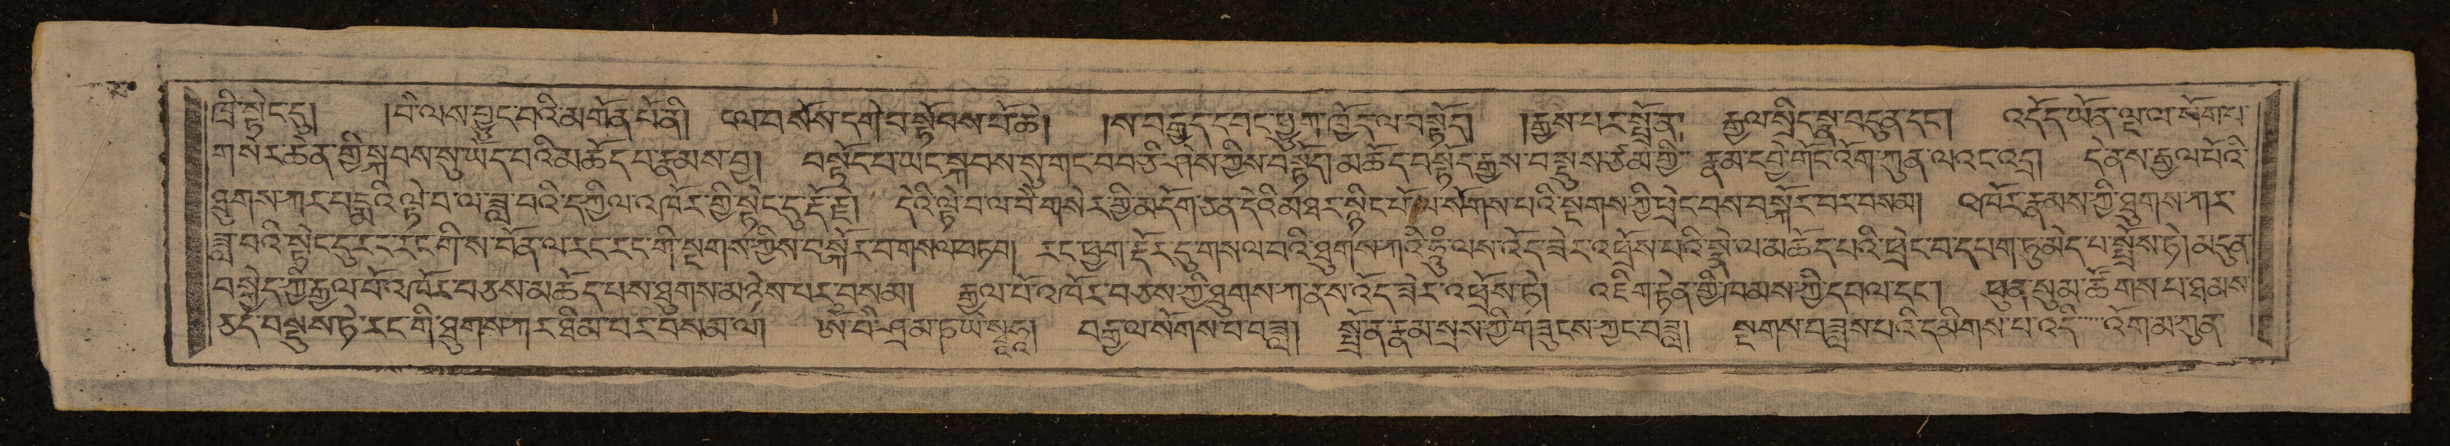ཁྲི་སྟེང་དུ། །བི་ལས་བྱུང་བའི་མགོན་པོ་ནི། ངལ་བསོས་དགེ་བ་སྟོབས་པོ་ཆེ། །ས་བརྒྱད་དབང་ཕྱུག་ཁྱོད་ལ་བསྟོད། །རྒྱས་པར་སྤྲོ་ན། རྒྱལ་སྲིད་སྣ་བདུན་དང་། འདོད་ཡོན་ལྔ་ལ་སོགས་
གསེར་ཆེན་གྱི་སྐབས་སུ་ཡོད་པའི་མཆོད་བ་རྣམས་བྱ། བསྟོད་པ་ཡང་སྐབས་སུ་གང་བབ་ཅི་ཤེས་ཀྱིས་བསྟོད། མཆོད་བསྟོད་རྒྱས་བསྡུས་ཙམ་གྱི་རྣམ་དབྱེ་གོང་འོག་ཀུན་ལའང་འདྲ། དེ་ནས་རྒྱལ་པོའི་
ཐུགས་ཀར་པདམའི་ལྟེ་བ་ལ་ཟླ་བའི་དཀྱིལ་འཁོར་གྱི་སྟེང་དུ་རྡོ་རྗེ། དེའི་ལྟེ་བ་ལ་བཻ་གསེར་གྱི་མདོག་ཅན་དེའི་མཐར་སྙིང་པོ་ལ་སོགས་པའི་སྔགས་ཀྱི་ཕྲེང་བས་བསྐོར་བར་བསམ། འཁོར་རྣམས་ཀྱི་ཐུགས་ཀར་
ཟླ་བའི་སྟེང་དུ་རང་རང་གི་ས་བོན་ལ་རང་རང་གི་སྔགས་ཀྱིས་བསྐོར་བ་གསལ་བཏབ། རང་ཕྱག་རྡོར་དུ་གསལ་བའི་ཐུགས་ཀའི་ཧཱུཾ་ལས་འོད་ཟེར་འཕྲོས་པའི་སྣེ་ལ་མཆོད་པའི་ཕྲེང་བ་དཔག་ཏུ་མེད་པ་སྤྲོས་ཏེ། མདུན་
བསྐྱེད་ཀྱི་རྒྱལ་པོ་འཁོར་བཅས་མཆོད་པས་ཐུགས་མཉེས་པར་བསམ། རྒྱལ་པོ་འཁོར་བཅས་ཀྱི་ཐུགས་ཀ་ནས་འོད་ཟེར་འཕྲོས་ཏེ། འཇིག་རྟེན་གྱི་ཁམས་ཀྱི་དཔལ་དང་། ཕུན་སུམ་ཚོགས་པ་ཐམས་
ཅད་བསྡུས་ཏེ་རང་གི་ཐུགས་ཀར་ཐིམ་པར་བསམ་ལ། ཨོཾ་བཻ་ཤྲ་མ་ཎ་ཡེ་སྭཱཧཱ། བརྒྱ་ལ་སོགས་པ་བཟླ། སྤྲོ་ན་རྣམ་སྲས་ཀྱི་གཟུངས་ཀྱང་བཟླ། སྔགས་བཟླས་པའི་དམིགས་པ་འདི་འོག་མ་ཀུན་